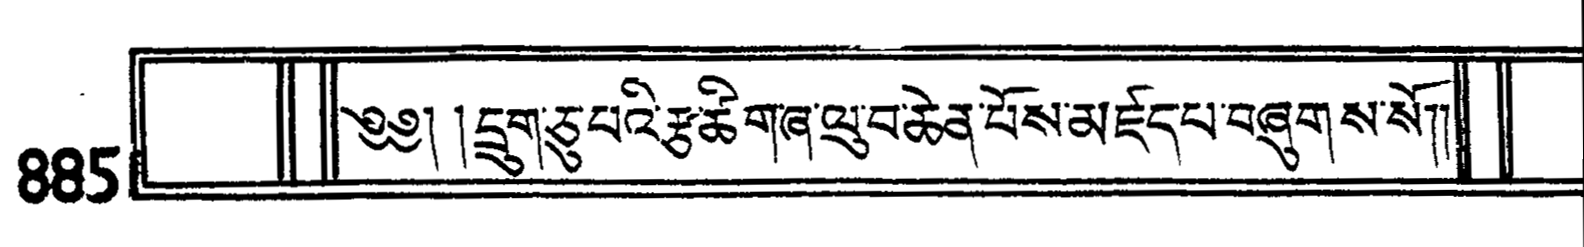༄༅། །དྲུག་ཅུ་པའི་རྩ་ཚིག་ཞ་ལུ་བ་ཆེན་པོས་མཛད་པ་བཞུགས་སོ།།